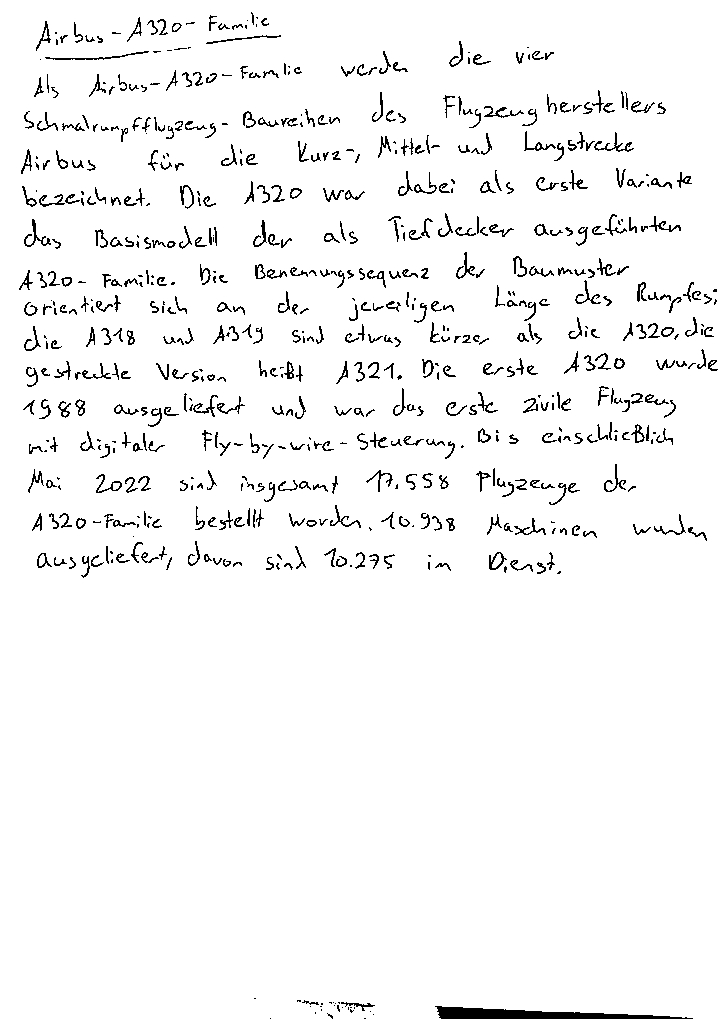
Airbus-A320-Familie
Als Airbus-A320-Familie werden die vier
Schmalrumpfflugzeug-Baureihen des Flugzeugherstellers
Airbus für die Kurz-, Mittel- und Langstrecke
bezeichnet. Die A320 war dabei als erste Variante
das Basismodell der als Tiefdecker ausgeführten
A320- Familie. Die Benennungssequenz der Baumuster
orientiert sich an der jeweiligen Länge des Rumpfes;
die A318 und A319 sind etwas kürzer als die A320, die
gestreckte Version heißt A321. Die erste A320 wurde
1988 ausgeliefert und war das erste zivile Flugzeug
mit digitaler Fly-by-wire-Steuerung. Bis einschließlich
Mai 2022 sind insgesamt 17.558 Flugzeuge der
A320-Familie bestellt worden. 10.938 Maschinen wurden
ausgeliefert, davon sind 10.275 im Dienst.
